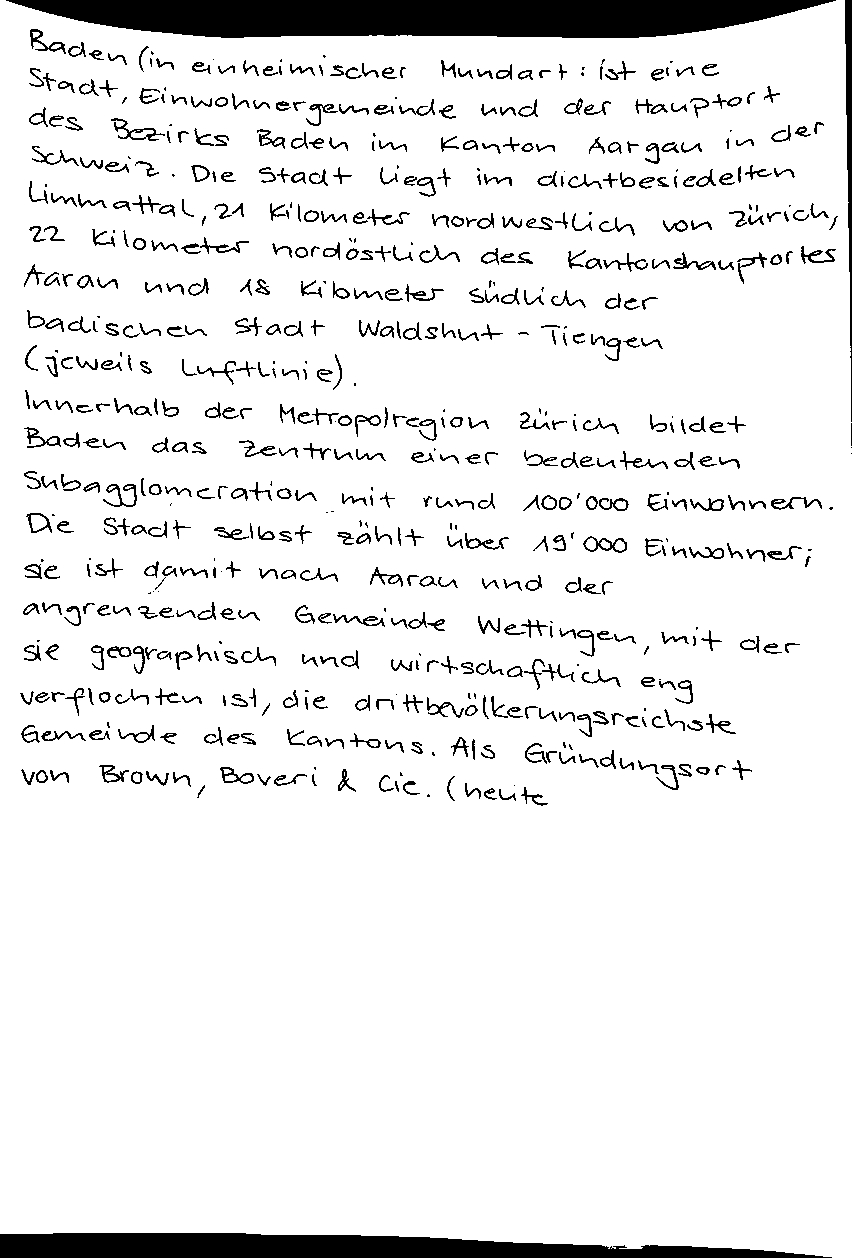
Baden (in einheimischer Mundart: ist eine
Stadt
Einwohnergemeinde und der Hauptort
des Bezirks Baden im Kanton Aargau in der
Schweiz. Die Stadt liegt im dichtbesiedelten
Limmattal, 21 Kilometer nordwestlich von Zürich,
22 Kilometer nordöstlich des Kantonshauptortes
Aarau und 18 Kilometer südlich der
badischen Stadt Waldshut-Tiengen
(jeweils Luftlinie).
Innerhalb der Metropolregion Zürich bildet
Baden das Zentrum einer bedeutenden
Subagglomeration mit rund 100’000 Einwohnern.
Die Stadt selbst zählt über 19’000 Einwohner;
sie ist damit nach Aarau und der
angrenzenden Gemeinde Wettingen, mit der
sie geographisch und wirtschaftlich eng
verflochten ist, die drittbevölkerungsreichste
Gemeinde des Kantons. Als Gründungsort
von Brown, Boveri & Cie. (heute
